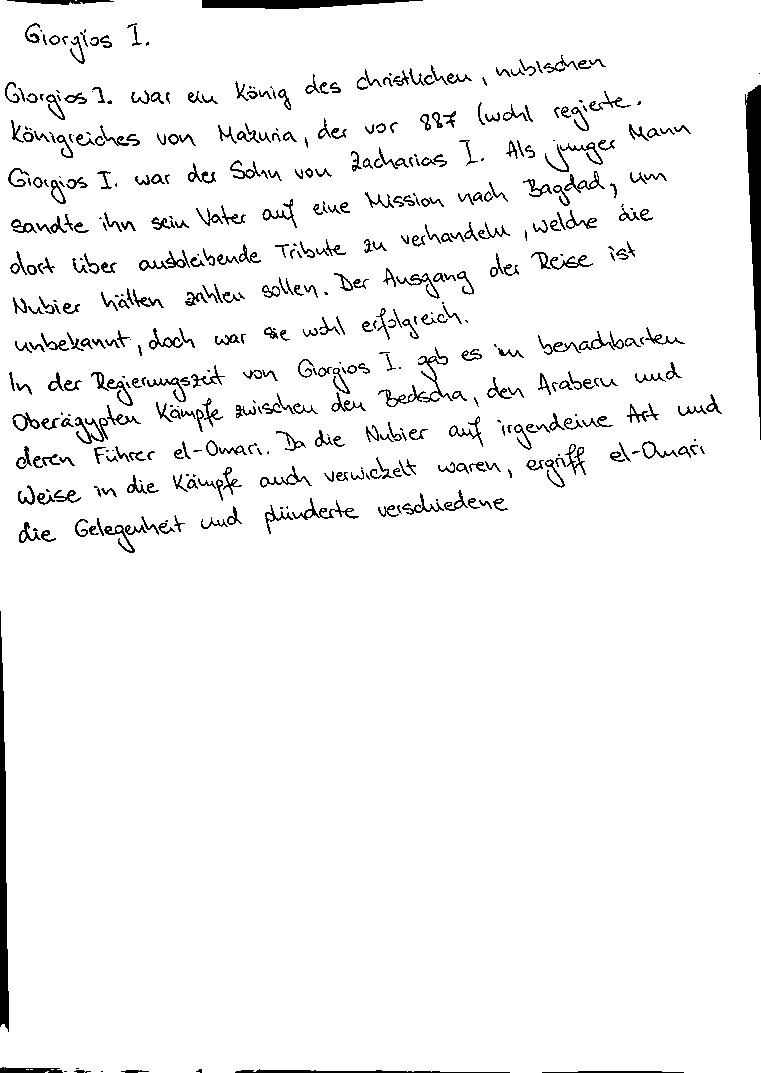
Giorgios I.
Giorgios I. war ein König des christlichen , nubischen
Königreiches von Makuria, der vor 887 (wohl regierte. Giorgios
I. war der Sohn von Zacharias I. Als junger Mann
sandte ihn sein Vater auf eine Mission nach Bagdad, um
dort über ausbleibende Tribute zu verhandeln ,welche die
Nubier hätten zahlen sollen. Der Ausgang der Reise ist
unbekannt, doch war sie wohl erfolgreich.
in der Regierungszeit von Giorgios I. gab es im
benachbarten Oberägypten Kämpfe zwischen den Bedscha, den Arabern und
deren Führer el-Omari. Da die Nubier auf irgendeine Art und
Weise in die Kämpfe auch verwickelt waren, ergriff el-Omari
die Gelegenheit und plünderte verschiedene
